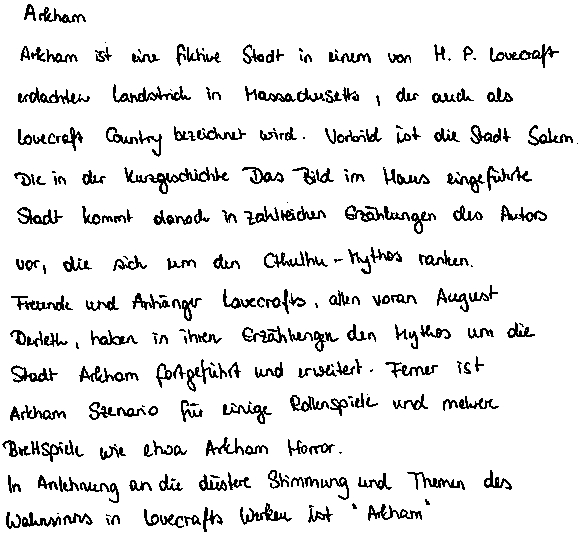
Arkham
Arkham ist eine fiktive Stadt in einem von H.P. Lovecraft
erdachten Landstrich in Massachusetts der auch als
Lovecraft Country bezeichnet wird. Vorbild ist die Stadt Salem
Die in der Kurzgeschichte Das Bild im Haus eingeführte
Stadt kommt danach in zahlreichen Erzählungen des Autors
vor, die sich um den Cthulhu-Mythos ranken.
Freunde und Anhänger Lovecrafts, allen voran August
Derleth, haben in ihren Erzählungen den Mythos um die
Stadt Arkham fortgeführt und erweitert. Ferner ist
Arkham Szenario für einige Rollenspiele und mehrere
Brettspiele wie etwa Arkham Horror.
In Anlehnung an die düstere Stimmung und Themen des
Wahnsinns in Lovecrafts Werken ist "Arkham"
